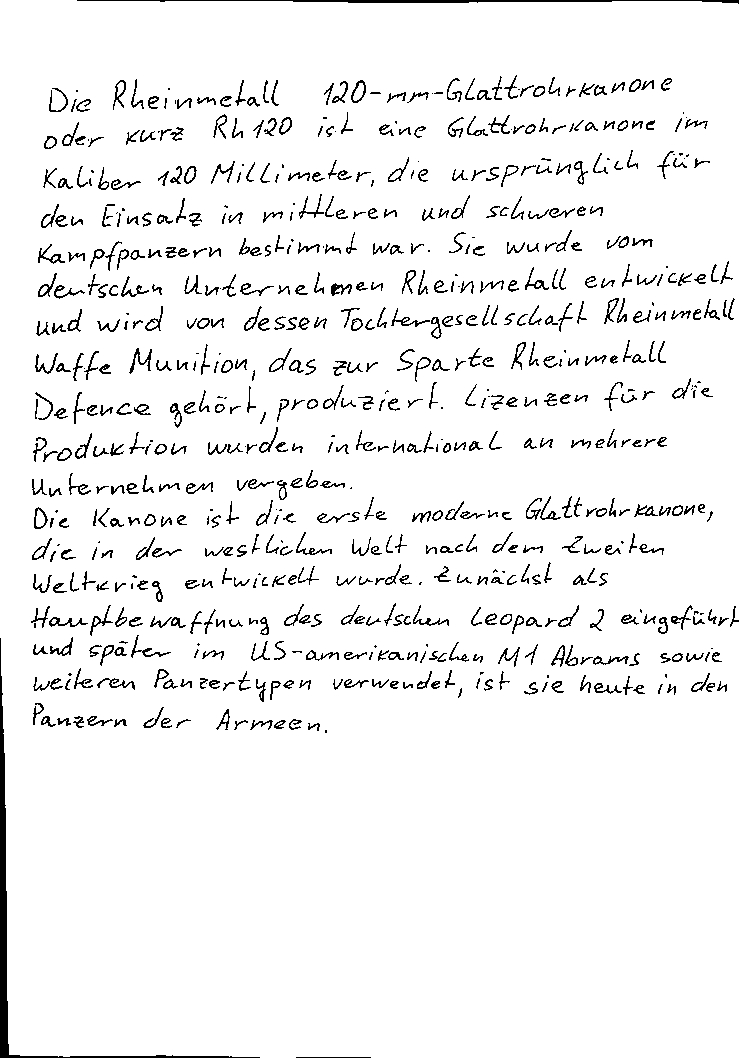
Die Rheinmetall 120-mm-Glattrohrkanone
oder kurz Rh120 ist eine Glattrohrkanone im
Kaliber 120 Millimeter, die ursprünglich für
den Einsatz in mittleren und schweren
Kampfpanzern bestimmt war. Sie wurde vom
deutschen Unternehmen Rheinmetall entwickelt
und wird von dessen Tochtergesellschaft Rheinmetall
Waffe Munition, das zur Sparte Rheinmetall
Defence gehört, produziert. Lizenzen für die
Produktion wurden international an mehrere
Unternehmen vergeben.
Die Kanone ist die erste moderne Glattrohrkanone,
die in der westlichen Welt nach dem Zweiten
Weltkrieg entwickelt wurde. Zunächst als
Hauptbewaffnung des deutschen Leopard 2 eingeführt
und später im US-amerikanischen M1 Abrams sowie
weiteren Panzertypen verwendet, ist sie heute in den
Panzern der Armeen
